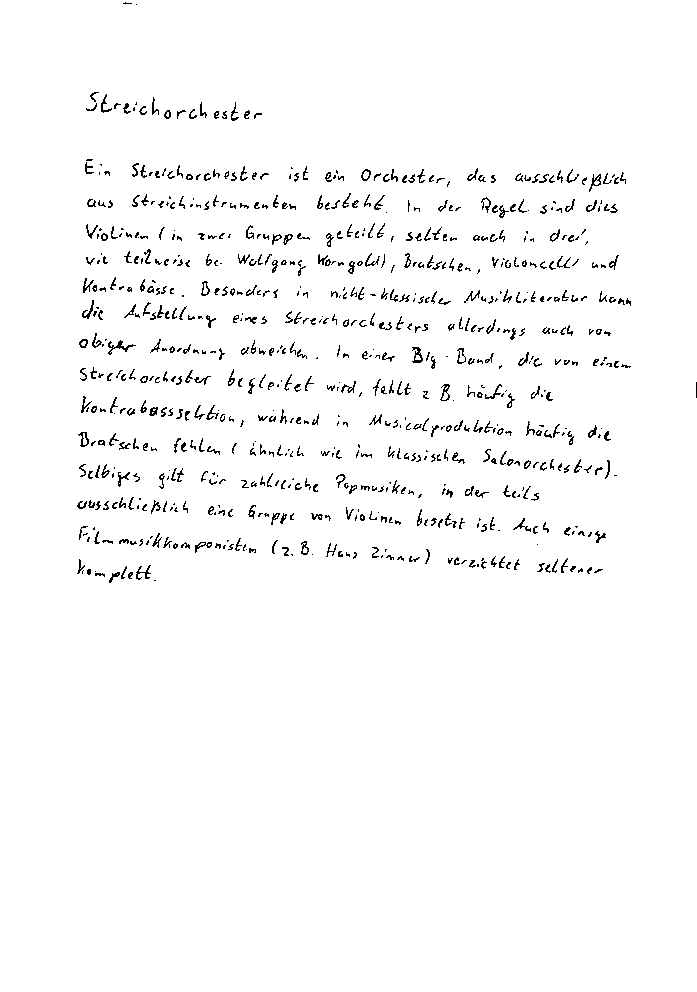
Streichorchester
Ein Streichorchester ist ein Orchester, das ausschließlich
aus Streichinstrumenten besteht. In der Regel sind dies
Violinen (in zwei Gruppen geteilt, selten auch in drei,
wie teilweise bei Wolfgang Korngold), Bratschen, Violoncelli und
Kontrabässe. Besonders in nicht-klassischer Musikliteratur kann
die Aufstellung eines Streichorchesters allerdings auch von
obiger Anordnung abweichen. In einer Big-Band, die von einem
Streichorchester begleitet wird, fehlt z. B. häufig die
Kontrabasssektion, während in Musicalproduktionen häufig die
Bratschen fehlen (ähnlich wie im klassischen Salonorchester)
Selbiges gilt für zahlreiche Popmusiken, in der teils
ausschließlich eine Gruppe von Violinen besetzt ist. Auch einige
Filmmusikkomponisten (z. B. Hans Zimmer) verzichten seltener
komplett
